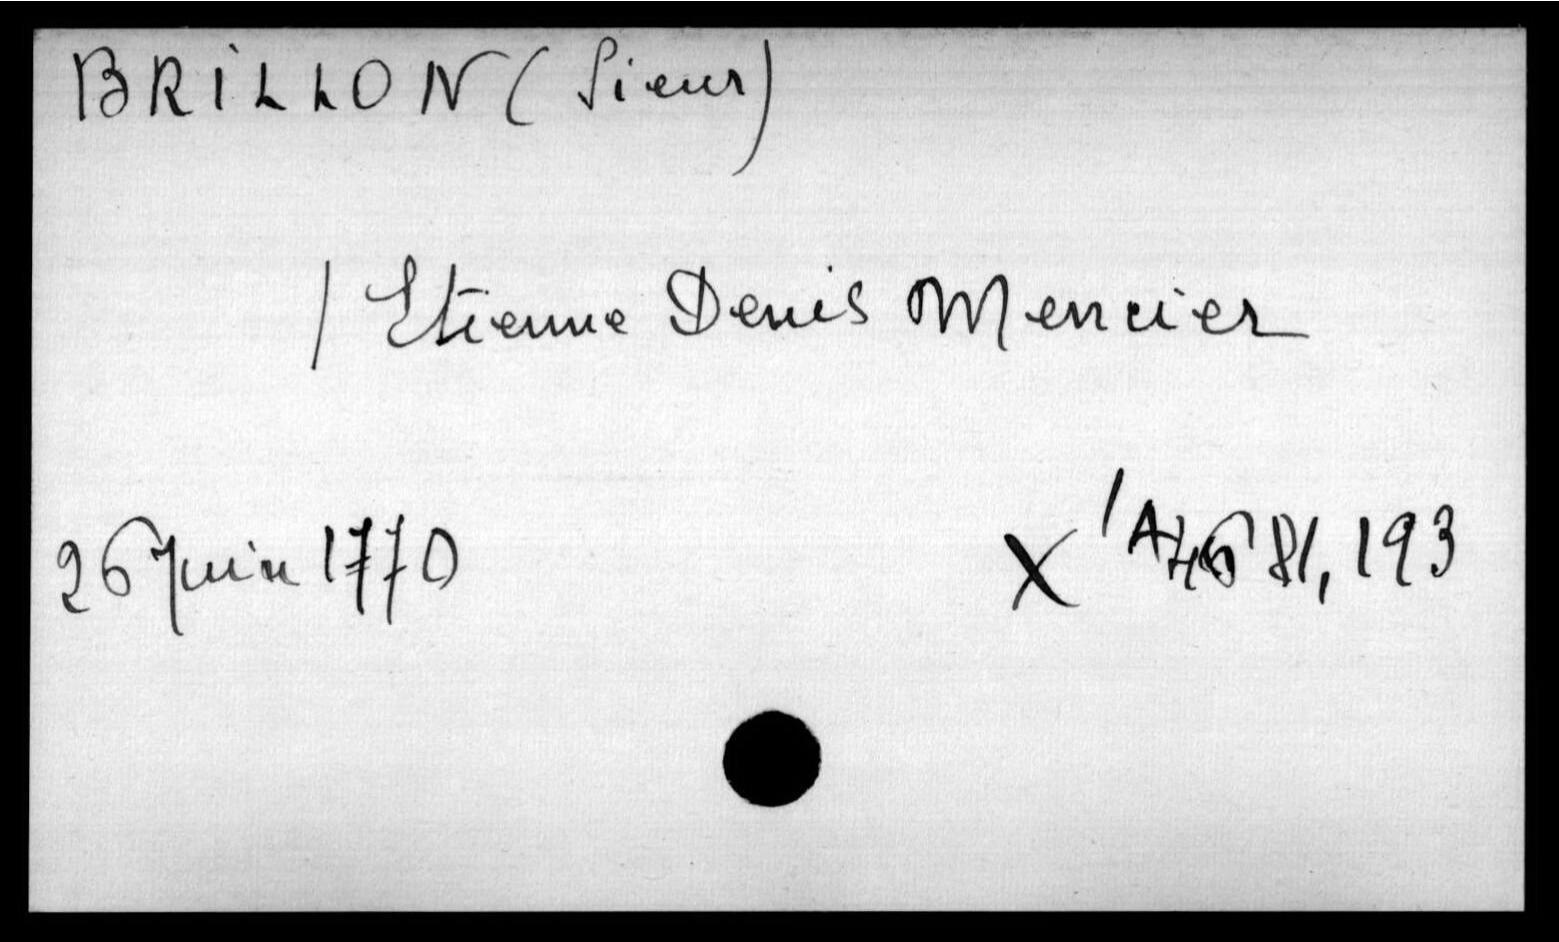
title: BRILLON (Sieur)
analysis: Contre Etienne Denis Mencier
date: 26 juin 1770
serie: X1A
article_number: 4681
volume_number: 193
